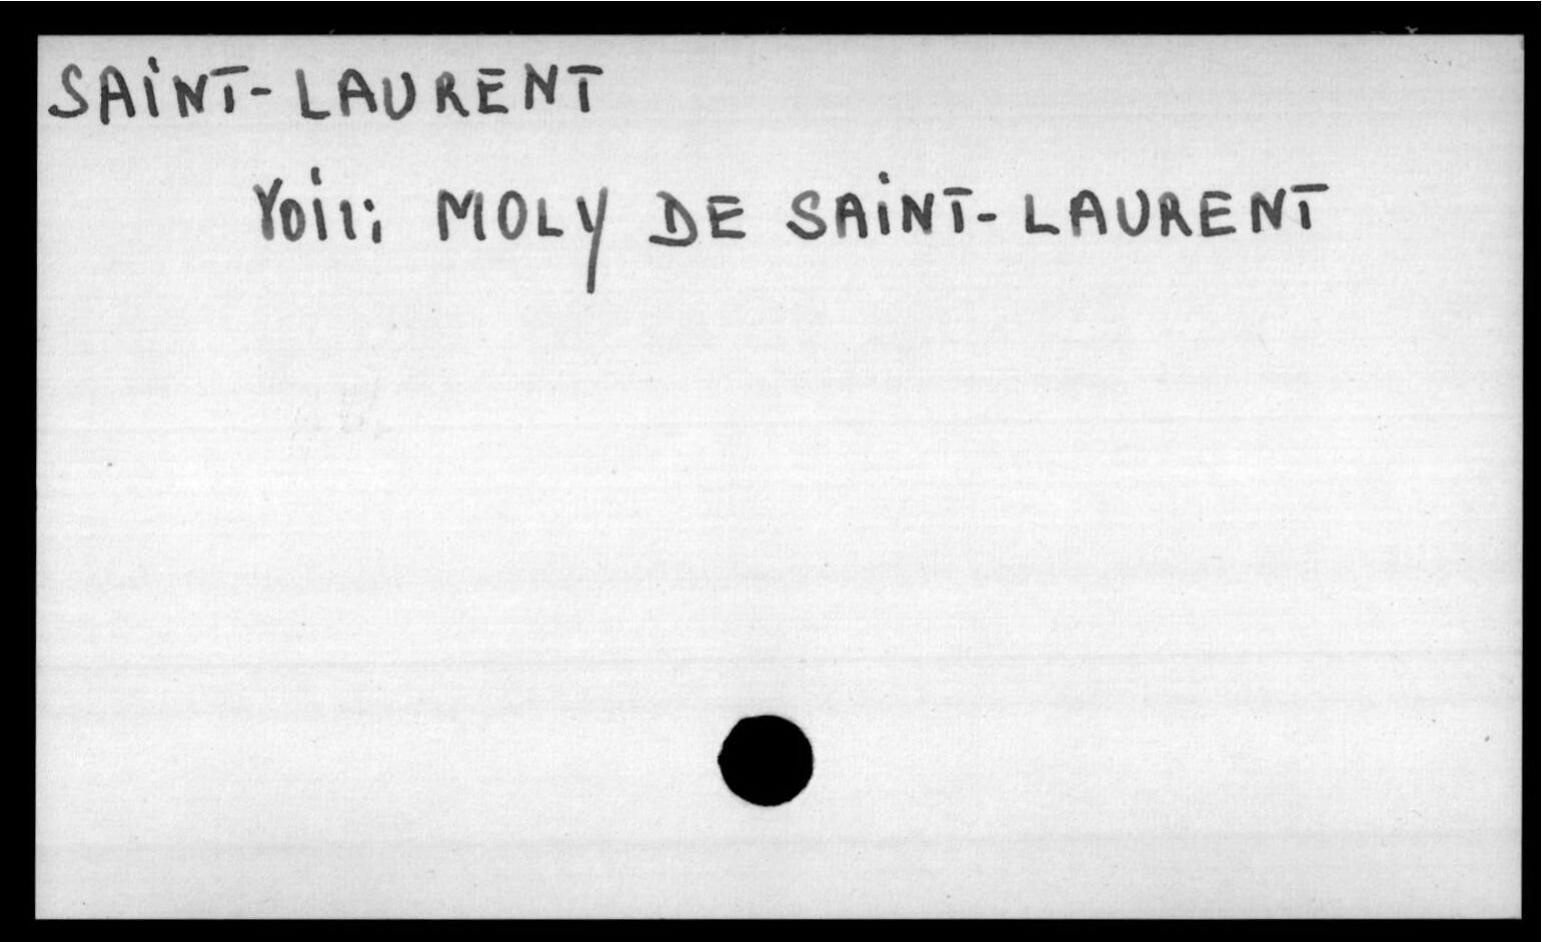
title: SAINT-LAURENT
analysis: Voir : MOLY DE SAINT-LAURENT
